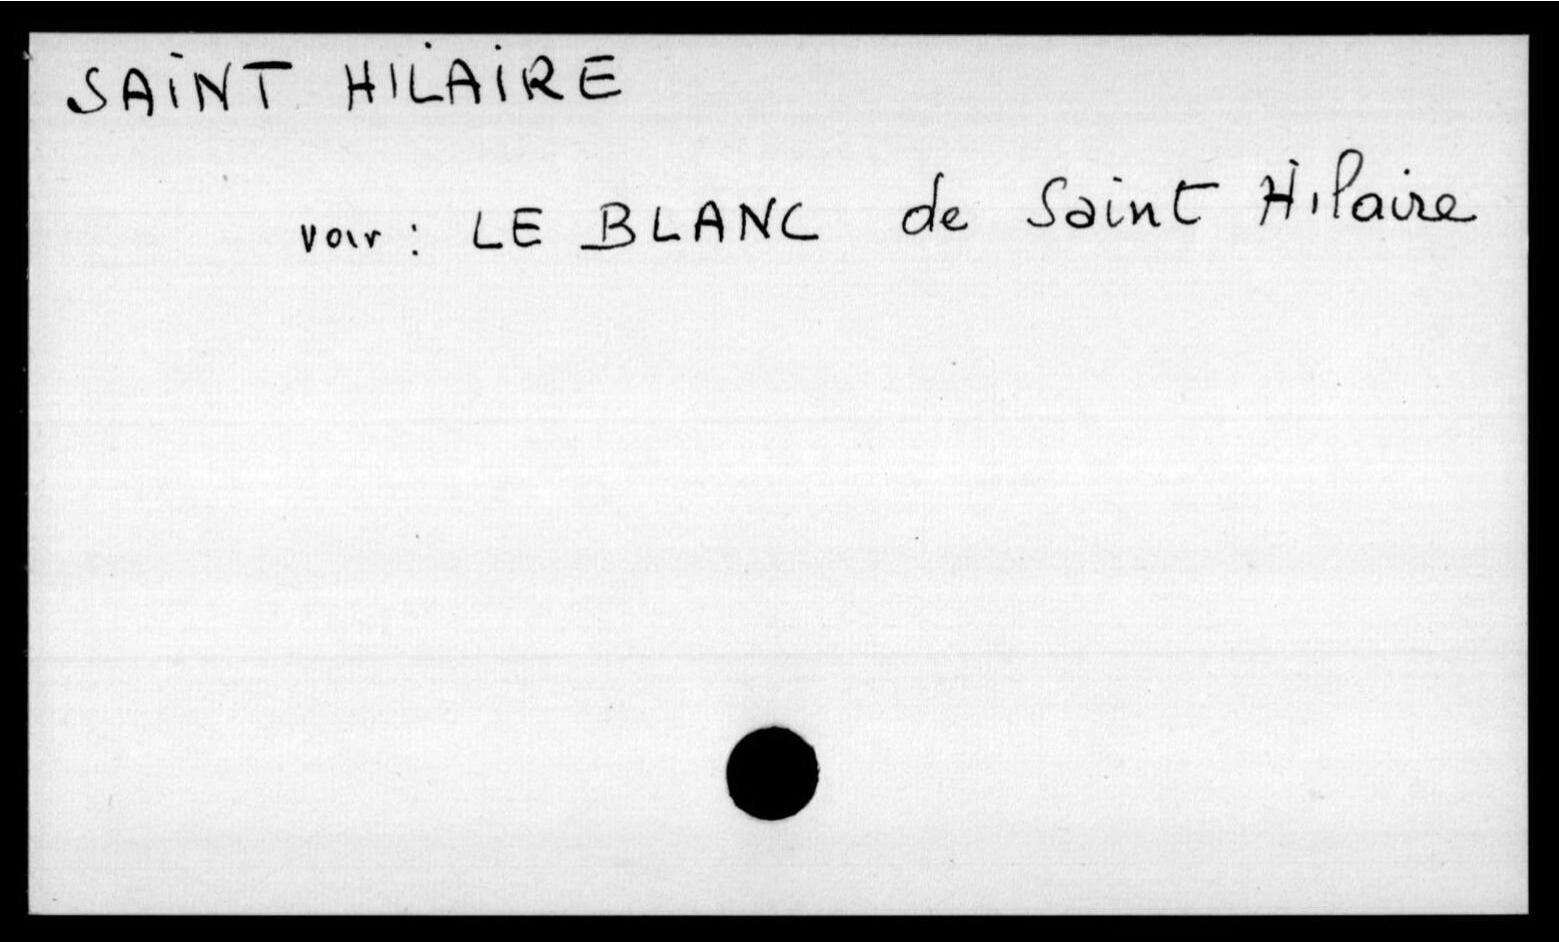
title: SAINT HILAIRE
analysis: Voir : LE BLANC de Soint Hilaire
